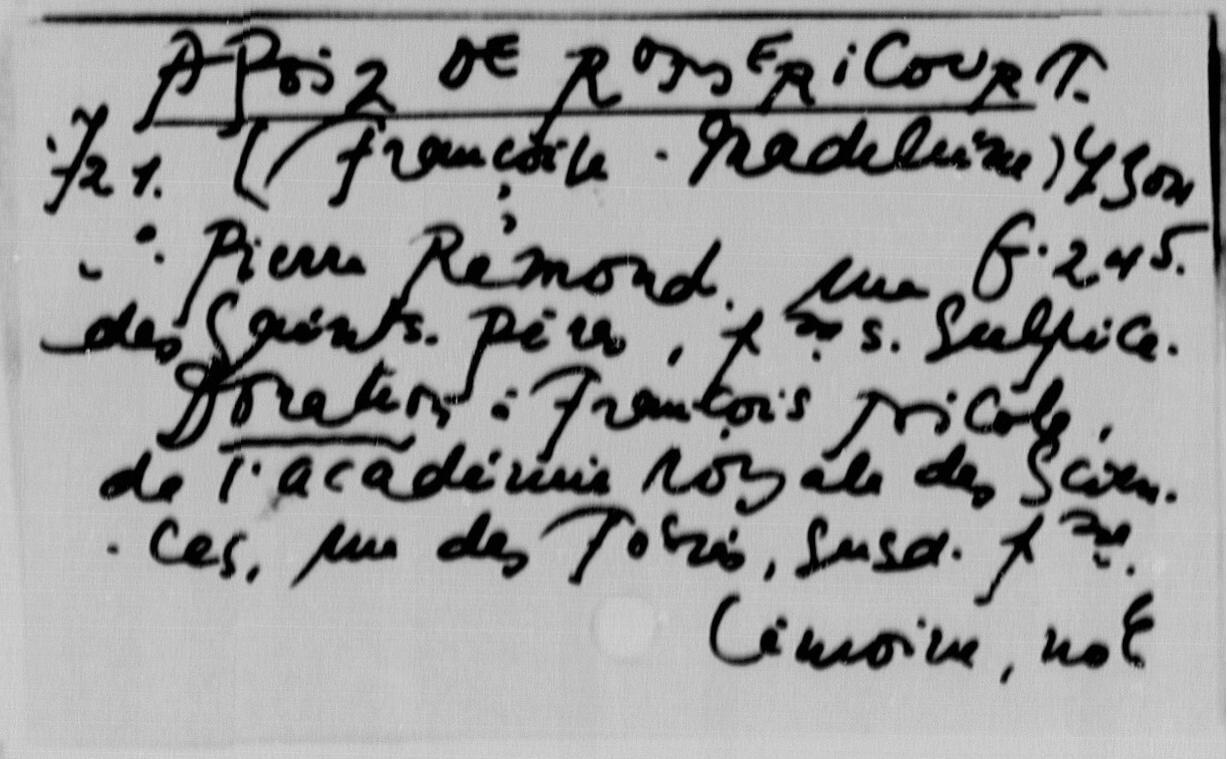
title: APOIZ DE ROMERICOURT (Françoise Madeleine)
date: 1721
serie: Y
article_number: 351 (?)
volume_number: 245
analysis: Veuve Pierre REMOND. Rue des Saints-Pères, paroisse Saint-Sulpice. Donation à François NICOLE, de l'Académie royale des Sciences, rue des Fossés, susdite paroisse. Lemoine, notaire.
